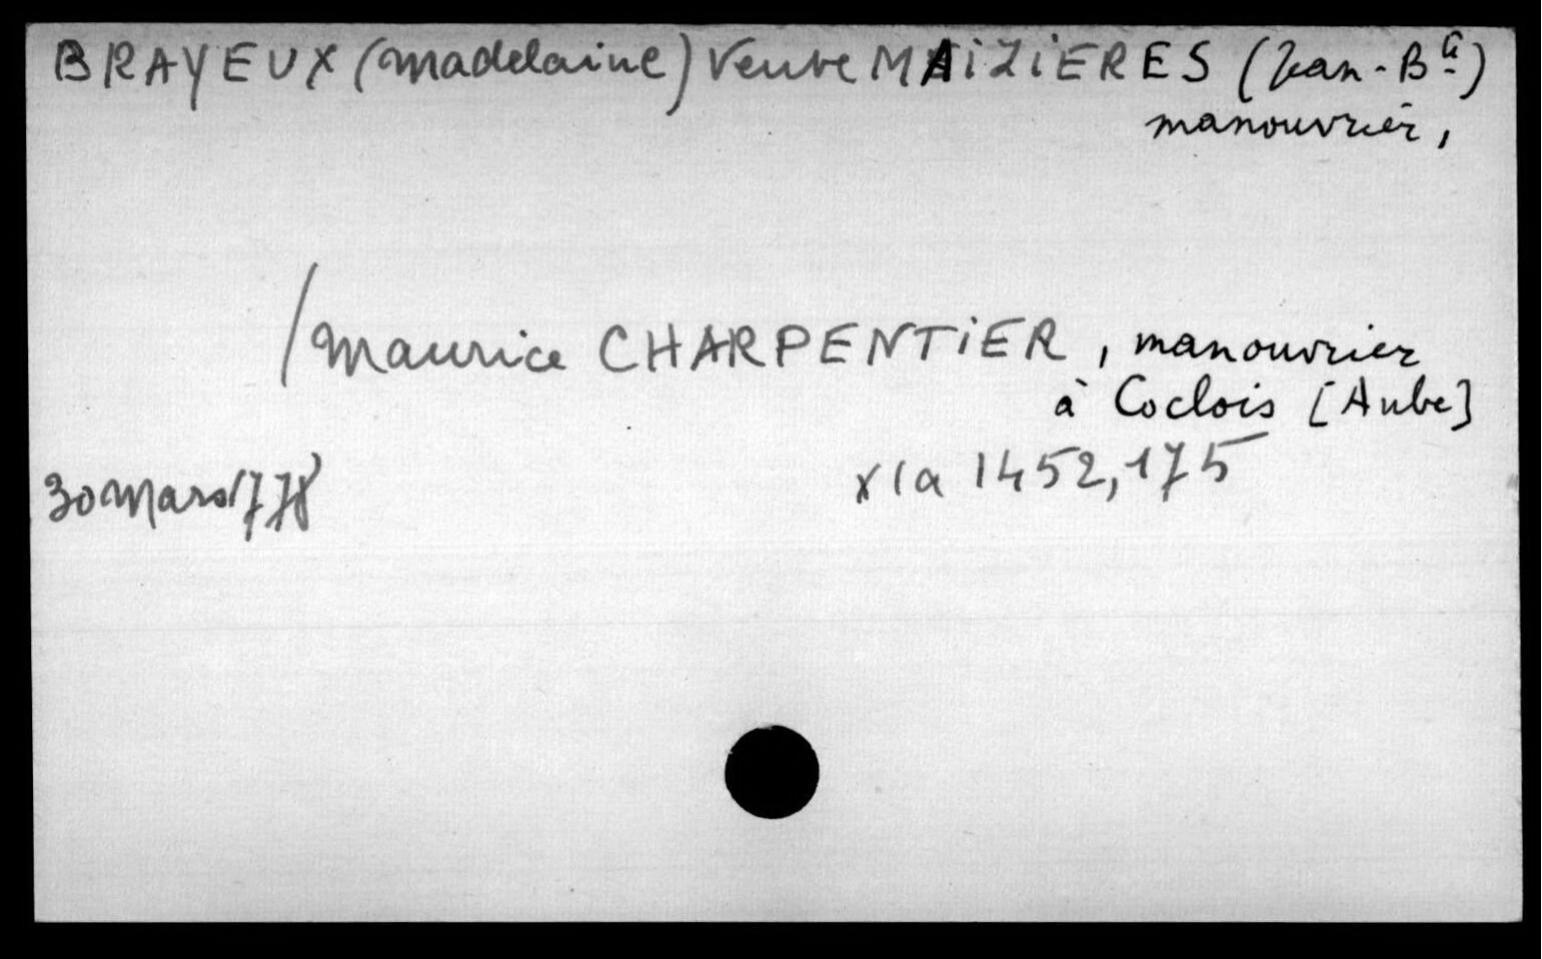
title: BRAYEUX (Madelaine) Veuve MAIZIERES (Jean-Baptiste) manouvrier
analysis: Contre Maurice CHARPENTIER, manouvrier à Coclois [Aube]
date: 30 mars 1778
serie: X1A
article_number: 1452
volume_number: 175
